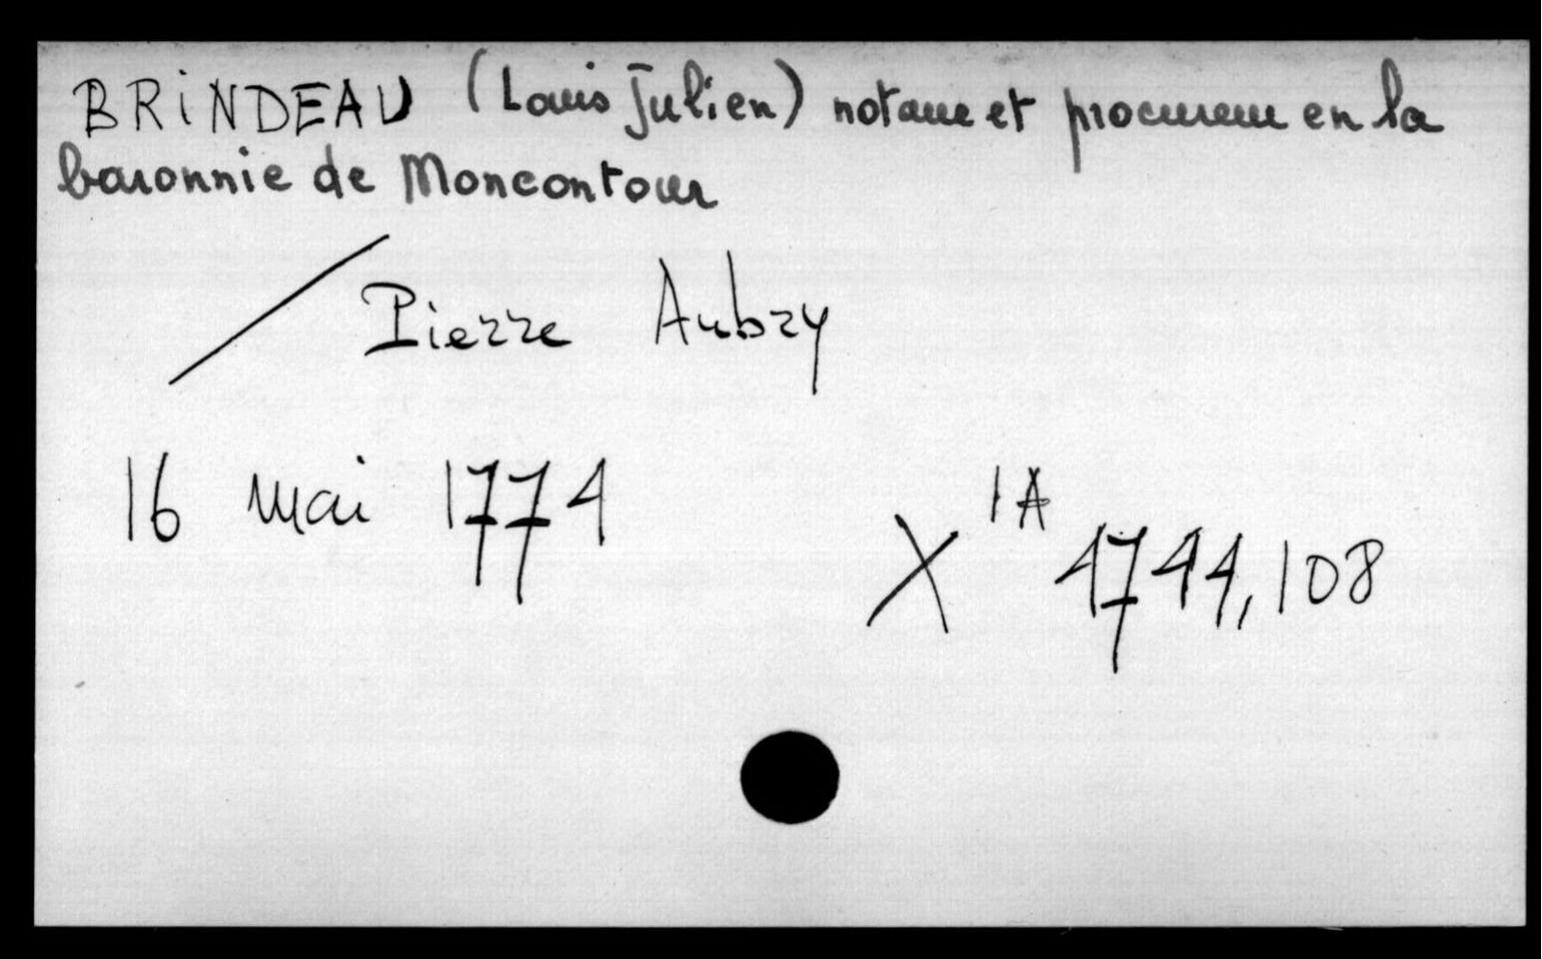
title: BRINDEAU (Louis Julien) notaire et procureur en la baronnie de Moncontour
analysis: Contre Pierre Aubry
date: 16 mai 1774
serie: X1A
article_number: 4744
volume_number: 108
